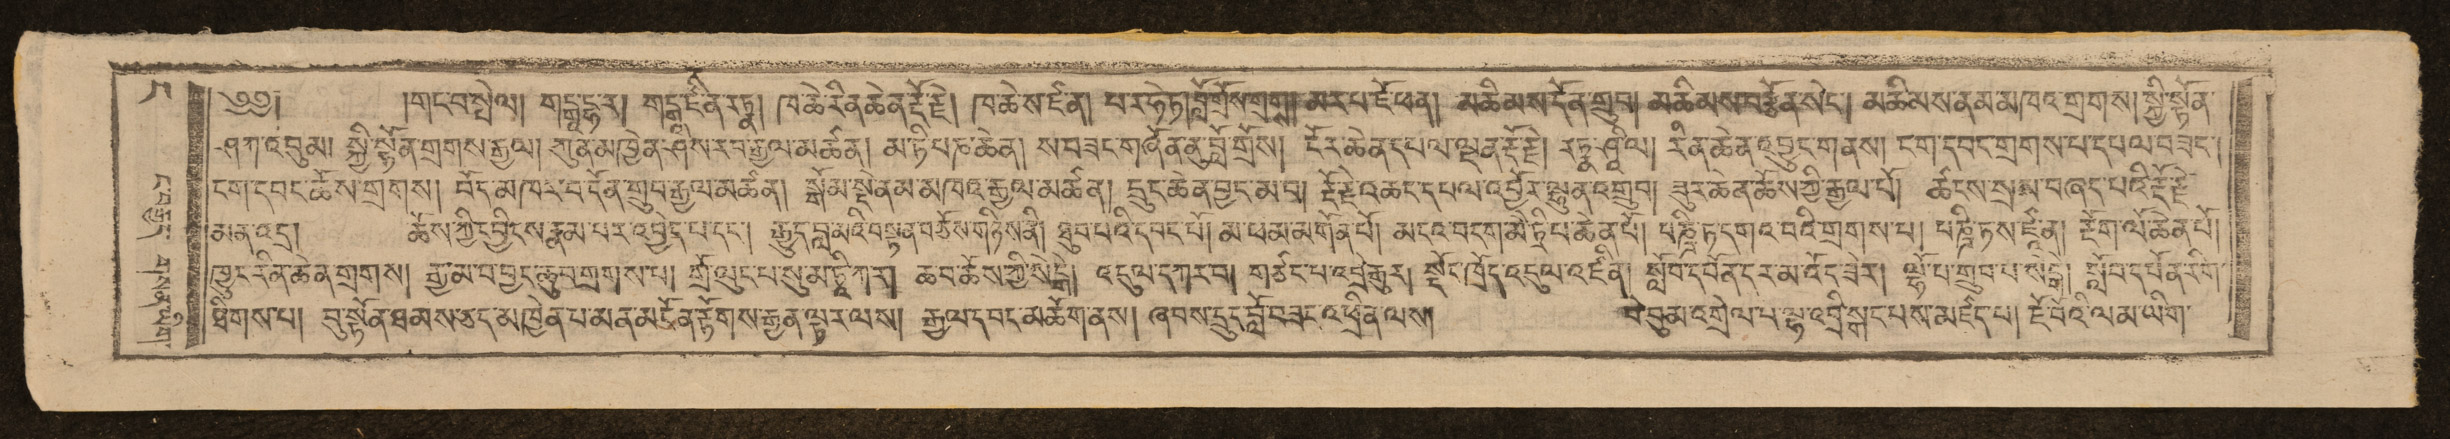༄༅། །གང་བསྤེལ། གངྒཱ་དྷ་ར། གངཱ་ཛི་ན་རྟན། ཁ་ཆེ་རིན་ཆེན་རྡོ་རྗེ། ཁ་ཆེས་ཛ་ན། པ་ར་ཧེ་ཏ། བློ་གྲོས་གྲགས། མར་པ་ཇོ་ཕན། མཆིམས་དོན་གྲུབ། མཆིམས་བརྩོན་སེང་། མཆིམས་ནམ་མཁའ་གྲགས། སྐྱི་སྟོན་
ཤ་ཀ་འབུམ། སྐྱི་སྟོན་གྲགས་རྒྱལ། ཀུན་མཁྱེན་ཤེས་རབ་རྒྱལ་མཚན། མ་ཏི་པཎ་ཆེན། ས་བཟང་གཞོན་ནུ་བློ་གྲོས། ངོར་ཆེན་དཔལ་ལྡན་རྡོ་རྗེ། རྟན་ཤཱི་ལ། རིན་ཆེན་འབྱུང་གནས། ངག་དབང་གྲགས་པ་དཔལ་བཟང་།
ངག་དབང་ཆོས་གྲགས། བོད་མཁར་བདོན་གྲུབ་རྒྱལ་མཚན། སྒོམ་སྡེ་ནམ་མཁའ་རྒྱལ་མཚན། དྲུང་ཆེན་བྱང་མ་བ། རྡོ་རྗེ་འཆད་དཔལ་འབྱོར་ལྷུན་འགྲུབ། ཟུར་ཆེན་ཆོས་ཀྱི་རྒྱལ་པོ། ཚངས་སྲས་བཞད་པའི་རྡོ་རྗེ་
མན་འདྲ། ཆོས་ཀྱི་དབྱིངས་རྣམ་པར་འབྱེད་པ་དང་། རྒྱུད་བླ་མའི་བསྟན་བཅོས་གཉིས་ནི། ཐུབ་པའི་དབང་པོ། མ་ཕམ་མགོན་པོ། མངའ་བདག་མི་ཏྲི་པ་ཆེན་པོ། པཎྜི་ཏ་དགའ་བའི་གྲགས་པ། པཎྜི་ཏ་ས་ཛཱ་ན། རྡོག་ལོ་ཆེན་པོ།
ཁྱུང་རིན་ཆེན་གྲགས། རྒྱ་མ་བ་བྱང་ཆུབ་གྲགས་པ། གྲོ་ལུང་པ་སུ་མ་ཏཱི་ཀ་ར། ཆབ་ཆོས་ཀྱི་སེངྒེ། འདུལ་དཀར་བ། གཙང་པ་འབྲེ་ཆུར། སྡོང་ཁྲོད་འདུལ་འཛིན། སློབ་དཔོན་དར་མ་འོང་ཟེར། ལྷོ་པ་གྲུབ་པ་སེངྒེ། སློབ་དཔོན་རིག་
ཐིགས་པ། བུ་སྟོན་ཐམས་ཅད་མཁྱེན་པ་མན་མངོན་རྟོགས་རྒྱན་ལྟར་ལས། རྒྱལ་དབང་མཆོག་ནས། ཞབས་དྲུང་བློ་བཟང་འཕྲིན་ལས། བེ་བུམ་འགྲེལ་པ་ལྷ་འབྲི་སྒང་པས་མཛད་པ། ཇོ་བོའི་ལམ་ཡིག་